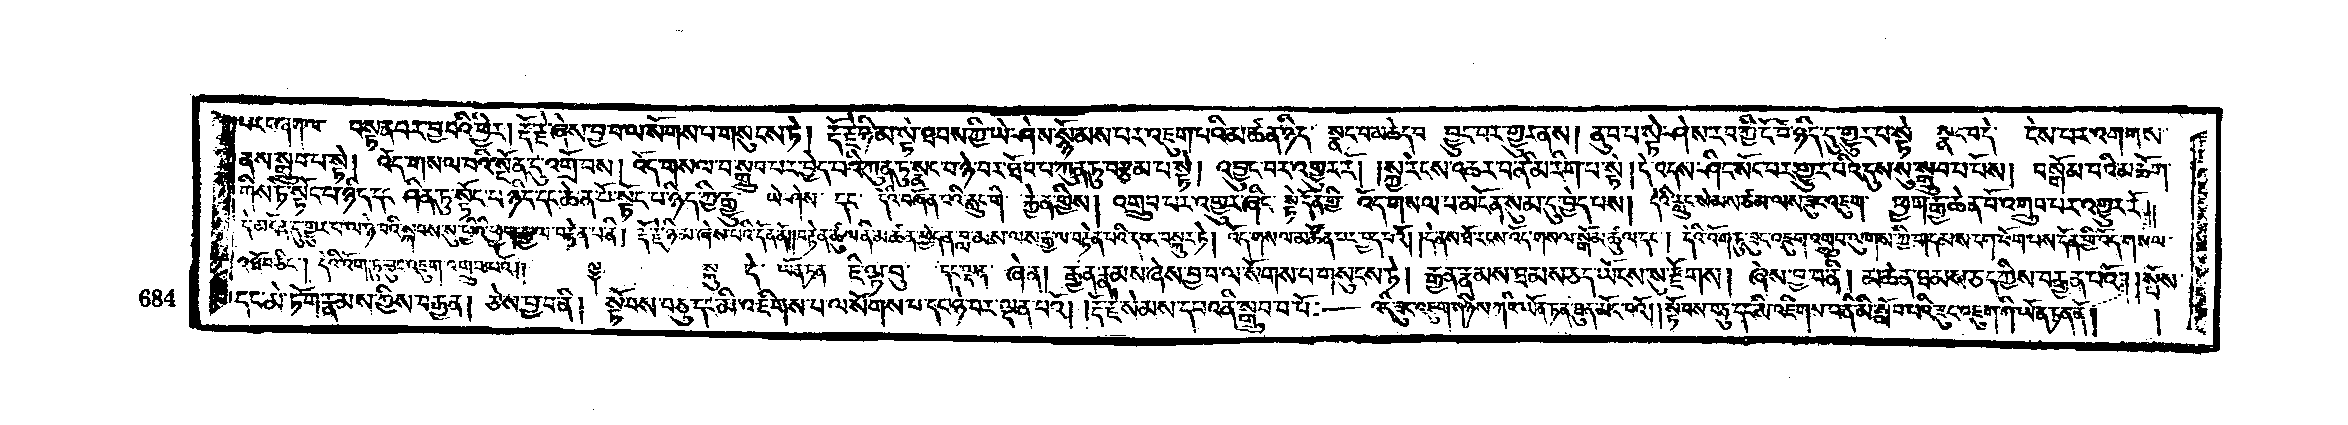པར་བཞག་ལ་བསྟན་པར་བྱ་བའི་ཕྱིར། རྡོ་རྗེ་ཞེས་བྱ་བ་ལ་སོགས་པ་གསུངས་ཏེ། རྡོ་རྗེ་ཉི་མ་སྟེ་ཐབས་ཀྱི་ཡེ་ཤེས་སྙོམས་པར་འཇུག་པའི་མཚན་ཉིད་སྣང་བ་མཆེད་པ་བྱུང་བར་གྱུར་ནས། ནུབ་པ་སྟེ་ཤེས་རབ་ཀྱི་ངོ་བོ་ཉིད་དུ་གྱུར་པ་སྟེ་སྣང་བ་དེ་ངེས་པར་འགགས་
ནས་སྒྲུབ་པ་སྟེ། འོད་གསལ་བའི་སྔོན་དུ་འགྲོ་བས། འོད་གསལ་བ་སྒྲུབ་པར་བྱེད་པའི་ཀུན་ཏུ་སྣང་བ་ཉེ་བར་ཐོབ་པ་ཀུན་ཏུ་བརྩམ་པ་སྟེ། འབྱུང་བར་འགྱུར་རོ། །སྐྱ་རེངས་འཆར་བ་ནི་མ་རིག་པ་སྟེ། དེ་འདས་ཤིང་སོང་བར་གྱུར་པའི་དུས་སུ་སྒྲུབ་པ་པོས། བསྒོམ་པའི་མཆོག་
གིས་ཏེ་སྟོང་པ་ཉིད་དང་ཤིན་ཏུ་སྟོང་པ་ཉིད་དང་ཆེན་པོ་སྟོང་པ་ཉིད་ཀྱི་རྒྱུ་ཡེ་ཤེས་དང་དེའི་བཞིན་པའི་རླུང་གི་རྐྱེན་གྱིས། འགྲུབ་པར་འགྱུར་ཞིང་སྟེ་དོན་གྱི་འོད་གསལ་བ་མངོན་སུམ་དུ་བྱེད་པས། དེའི་རླུང་སེམས་ཙམ་ལས་ཟུང་འཇུག་ཕྱག་རྒྱ་ཆེན་པོ་འགྲུབ་པར་འགྱུར་རོ། །
དེ་མངོན་དུ་གྱུར་པ་ལ་ཉེ་བའི་སྐབས་སུ་ཕྱིའི་ཕྱག་རྒྱ་ལ་བརྟེན་པ་ནི། རྡོ་རྗེ་ཉི་མ་ཞེས་པའི་དོན་ནོ། །བརྟེན་ཚུལ་ནི་མཚན་ཕྱེད་ན་བླ་མས་ལས་རྒྱ་ལ་བརྟེན་པའི་དབང་བསྐུར་ཏེ། འོད་གསལ་མཚོན་པར་བྱད་པའོ། །དེ་ནས་ཐོ་རངས་འོད་གསལ་སྒོམ་ཚུལ་དང་། དེའི་འོག་ཏུ་ཟུང་འཇུག་འགྲུབ་ལུགས་ཀྱི་གདམས་ངག་ཕོག་པས་དོན་གྱི་འོད་གསལ་
འཐོབ་ཅིང་། དེའི་འོག་ཏུ་ཟུང་འཇུག་འགྲུབ་པའོ།། ༈ སྐུ་དེ་ཡོན་ཏན་ཇི་ལྟ་བུ་དང་ལྡན་ཞེ་ན། རྒྱན་རྣམས་ཞེས་བྱ་བ་ལ་སོགས་པ་གསུངས་ཏེ། རྒྱན་རྣམས་ཐམས་ཅད་ཡོངས་སུ་རྫོགས། ཞེས་བྱ་བ་ནི། མཚན་ཐམས་ཅད་ཀྱིས་བརྒྱན་པའོ། །སྤོས་
དང་མེ་ཏོག་རྣམས་ཀྱིས་བརྒྱན། ཅེས་བྱ་བ་ནི། སྟོབས་བཅུ་དང་མི་འཇིགས་པ་ལ་སོགས་པ་དང་ཉེ་བར་ལྡན་པའོ། །རྡོ་རྗེ་སེམས་དཔའ་ནི་སྒྲུབ་པ་པོ་H.་འདི་ཟུང་འཇུག་གཉིས་ཀའི་ཡོན་ཏན་ཐུན་མོང་བའོ། །སྟོབས་བཅུ་དང་མི་འཇིགས་པ་ནི་མི་སློབ་པའི་ཟུང་འཇུག་གི་ཡོན་ཏན་ནོ། །